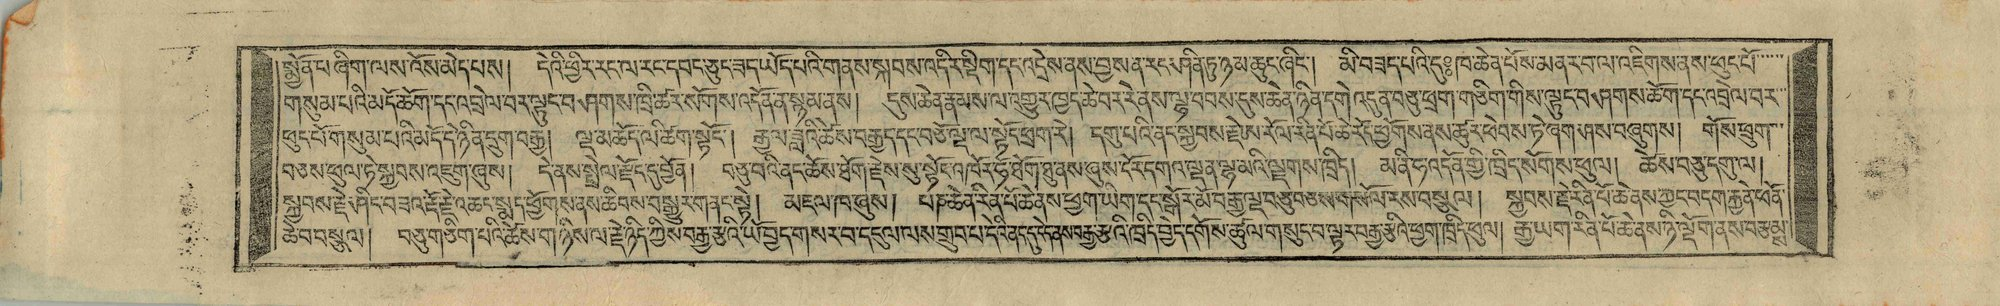སྨྱོན་པ་ཞིག་ལས་འོས་མེད་པས། དེའི་ཕྱིར་རང་ལ་རང་དབང་ཅུང་ཟད་ཡོད་པའི་གནས་སྐབས་འདིར་སྡིག་དང་འདྲེས་ནས་བྱས་ན་རང་ཤིན་ཏུ་ཉམ་ཆུང་ཞིང་། མི་བཟད་པའི་དུཿ ཁ་ཆེན་པོས་མནར་བ་ལ་འཇིགས་ནས་ཕུང་པོ་
གསུམ་པའི་མདོ་ཆོག་དང་འབྲེལ་བར་ལྟུང་བཤགས་ཁྲི་ཚར་སོགས་འདོན་ན་སྙམ་ནས། དུས་ཆེན་རྣམས་ལ་འགྱུར་ཁྱད་ཆེ་བར་རེ་ནས་ལྷ་བབས་དུས་ཆེན་ཉིན་དགེ་འདུན་བཅུ་ཕྲག་གཅིག་གིས་ལྟུང་བཤགས་ཆོ་ག་དང་འབྲེལ་བར་
ཕུང་པོ་གསུམ་པའི་མདོ་དེ་ཉིན་དྲུག་བརྒྱ། ལྔ་མཆོད་ལ་ཚིག་སྟོང་། རྒྱལ་ཟླའི་ཚེས་བརྒྱད་དང་བཅོ་ལྔ་ལ་སྟོང་ཕྲག་རེ། དགུ་པའི་ནང་སྐྱབས་རྗེ་ཨ་རོལ་རིན་པོ་ཆེ་རོང་ཕྱོགས་ནས་ཚུར་ཕེབས་ཏེ་ཞག་ཤས་བཞུགས། གོས་ཕྲུག་
བཅས་ཕུལ་ཏེ་སྐྱབས་འཇུག་ཞུས། དེ་ནས་སྤྲེལ་རྫོང་དུ་བྱོན། བཅུ་བའི་ནང་ཆོས་ཐོག་རྗེས་སུ་སྟོང་འཁོར་ཧོ་ཐོག་ཐུ་ནས་ཞུས་ངོར་དགའ་ལྡན་ལྷ་མའི་ལྗགས་ཁྲིད། མ་ནི་ཧ་འདོན་གྱི་ཁྲིད་སོགས་ཕུལ། ཚེས་བཅུ་དགུ་ལ།
སྐྱབས་རྗེ་ཤིང་བཟའ་རྡོ་རྗེ་འཆང་སྨད་ཕྱོགས་ནས་ཆིབས་བསྒྱུར་གནང་སྟེ། མཇལ་ཁ་ཞུས། པཎ་ཆེན་རིན་པོ་ཆེ་ནས་ཕྱག་ཡིག་དང་སྒོར་མོ་བརྒྱ་ལྔ་བཅུ་བཅས་གསོལ་རས་བསྩལ། སྐྱབས་རྗེ་རིན་པོ་ཆེ་ནས་ཀྱང་བདག་རྐྱེན་ཕོན་
ཆེ་བ་བསྩལ། བཅུ་གཅིག་པའི་ཚེས་གཉིས་ལ་རྗེ་ཉིད་ཀྱིས་བརྒྱ་རྩའི་ཡོ་བྱད་གསར་བ་དངུལ་ལས་གྲུབ་པ་དེའི་ནང་དུ་ངེད་ནས་བརྒྱ་རྩའི་ཁྲིད་བྱེད་དགོས་ཚུལ་གསུང་པ་ལྟར་བརྒྱ་རྩའི་ཕྱག་ཁྲིད་ཕུལ། རྒྱ་ཡག་རིན་པོ་ཆེ་ནས་ཉི་ལྡོག་ནས་བརྩམས་